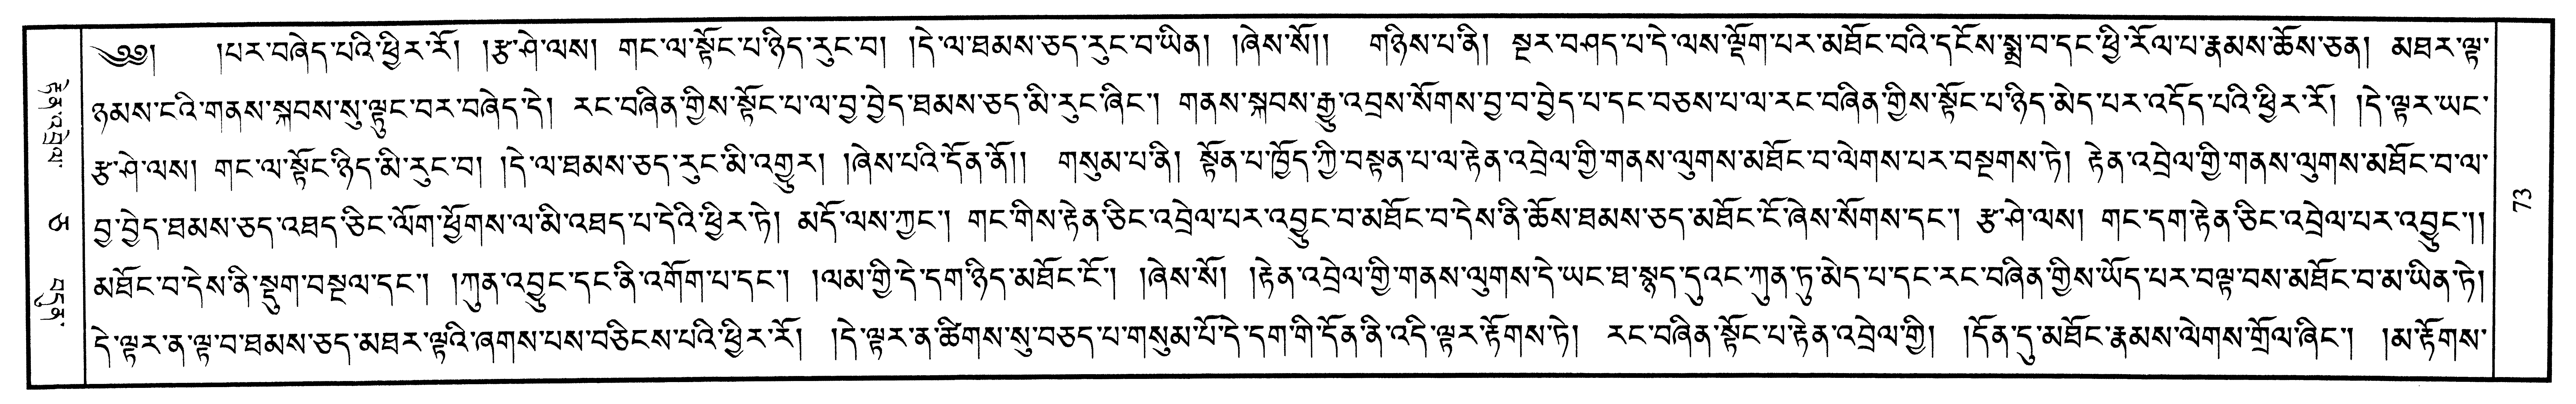༄༅། །པར་བཞེད་པའི་ཕྱིར་རོ། །རྩ་ཤེ་ལས། གང་ལ་སྟོང་པ་ཉིད་རུང་བ། །དེ་ལ་ཐམས་ཅད་རུང་བ་ཡིན། །ཞེས་སོ།། གཉིས་པ་ནི། སྔར་བཤད་པ་དེ་ལས་ལྡོག་པར་མཐོང་བའི་དངོས་སྨྲ་བ་དང་ཕྱི་རོལ་པ་རྣམས་ཆོས་ཅན། མཐར་ལྟ་
ཉམས་ངའི་གནས་སྐབས་སུ་ལྟུང་བར་བཞེད་དེ། རང་བཞིན་གྱིས་སྟོང་པ་ལ་བྱ་བྱེད་ཐམས་ཅད་མི་རུང་ཞིང་། གནས་སྐབས་རྒྱུ་འབྲས་སོགས་བྱ་བ་བྱེད་པ་དང་བཅས་པ་ལ་རང་བཞིན་གྱིས་སྟོང་པ་ཉིད་མེད་པར་འདོད་པའི་ཕྱིར་རོ། །དེ་ལྟར་ཡང་
རྩ་ཤེ་ལས། གང་ལ་སྟོང་ཉིད་མི་རུང་བ། །དེ་ལ་ཐམས་ཅད་རུང་མི་འགྱུར། །ཞེས་པའི་དོན་ནོ།། གསུམ་པ་ནི། སྟོན་པ་ཁྱོད་ཀྱི་བསྟན་པ་ལ་རྟེན་འབྲེལ་གྱི་གནས་ལུགས་མཐོང་བ་ལེགས་པར་བསྔགས་ཏེ། རྟེན་འབྲེལ་གྱི་གནས་ལུགས་མཐོང་བ་ལ་
བྱ་བྱེད་ཐམས་ཅད་འཐད་ཅིང་ལོག་ཕྱོགས་ལ་མི་འཐད་པ་དེའི་ཕྱིར་ཏེ། མདོ་ལས་ཀྱང་། གང་གིས་རྟེན་ཅིང་འབྲེལ་པར་འབྱུང་བ་མཐོང་བ་དེས་ནི་ཆོས་ཐམས་ཅད་མཐོང་ངོ་ཞེས་སོགས་དང་། རྩ་ཤེ་ལས། གང་དག་རྟེན་ཅིང་འབྲེལ་པར་འབྱུང།།
མཐོང་བ་དེས་ནི་སྡུག་བསྔལ་དང་། །ཀུན་འབྱུང་དང་ནི་འགོག་པ་དང་། །ལམ་གྱི་དེ་དག་ཉིད་མཐོང་ངོ། །ཞེས་སོ། །རྟེན་འབྲེལ་གྱི་གནས་ལུགས་དེ་ཡང་ཐ་སྙད་དུའང་ཀུན་ཏུ་མེད་པ་དང་རང་བཞིན་གྱིས་ཡོད་པར་བལྟ་བས་མཐོང་བ་མ་ཡིན་ཏེ།
དེ་ལྟར་ན་ལྟ་བ་ཐམས་ཅད་མཐར་ལྟའི་ཞགས་པས་བཅིངས་པའི་ཕྱིར་རོ། །དེ་ལྟར་ན་ཚིགས་སུ་བཅད་པ་གསུམ་པོ་དེ་དག་གི་དོན་ནི་འདི་ལྟར་རྟོགས་ཏེ། རང་བཞིན་སྟོང་པ་རྟེན་འབྲེལ་གྱི། །དོན་དུ་མཐོང་རྣམས་ལེགས་གྲོལ་ཞིང་། །མ་རྟོགས་